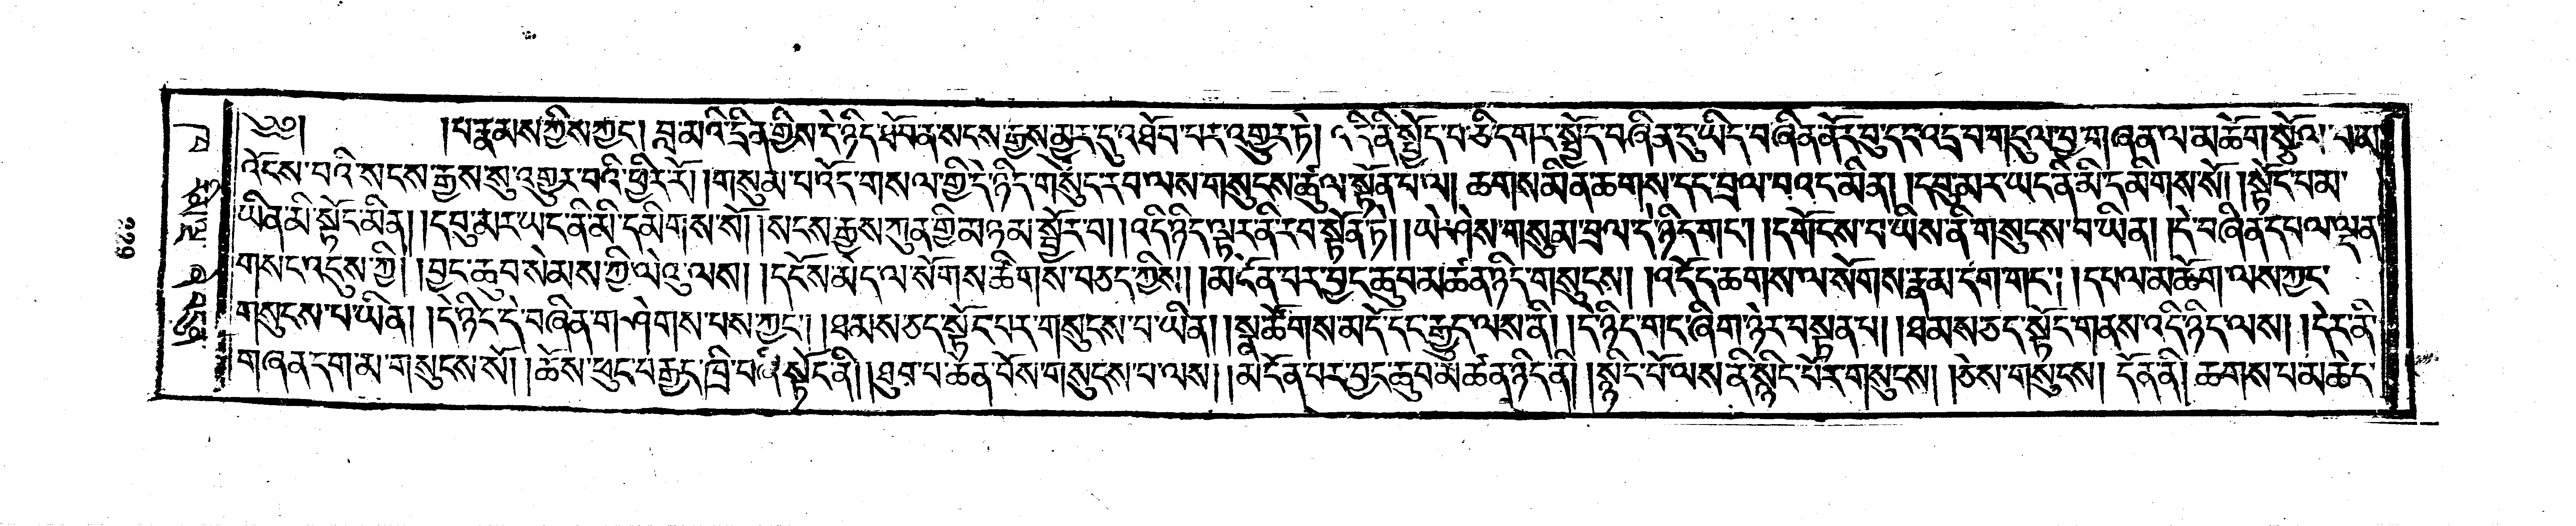༄༅། །པ་རྣམས་ཀྱིས་ཀྱང་། བླ་མའི་དྲིན་གྱིས་དེ་ཉིད་ཐོབ་ན་སངས་རྒྱས་མྱུར་དུ་འཐོབ་པར་འགྱུར་ཏེ། འདི་ནི་སྤྱོད་པ་ཅི་དགར་སྤྱོད་བཞིན་དུ་ཡིད་བཞིན་ནོར་བུ་དང་འདྲ་བ་གདུལ་བྱ་གཞན་ལ་མཆོག་སྩོལ་བར་
འོངས་པའི་སངས་རྒྱས་སུ་འགྱུར་བའི་ཕྱིར་རོ། །གསུམ་པ་འོད་གསལ་གྱི་དེ་ཉིད་གསུང་རབ་ལས་གསུངས་ཚུལ་སྟོན་པ་ལ། ཆགས་མིན་ཆགས་དང་བྲལ་བའང་མིན། །དབུ་མར་ཡང་ནི་མི་དམིགས་སོ། །སྟོང་པ་མ་
ཡིན་མི་སྟོང་མིན། །དབུ་མར་ཡང་ནི་མི་དམིགས་སོ། །སངས་རྒྱས་ཀུན་གྱི་མཉམ་སྦྱོར་བ། །འདི་ཉིད་ལྟར་ནི་རབ་སྟོན་ཏེ། །ཡེ་ཤེས་གསུམ་བྲལ་དེ་ཉིད་གང་། །དགོངས་པ་ཡིས་ནི་གསུངས་པ་ཡིན། །དེ་བཞིན་དཔལ་ལྡན་
གསང་འདུས་ཀྱི། །བྱང་ཆུབ་སེམས་ཀྱི་ལེའུ་ལས། །དངོས་མེད་ལ་སོགས་ཚིགས་བཅད་ཀྱིས། །མངོན་པར་བྱང་ཆུབ་མཚན་ཉིད་གསུངས། །འདོད་ཆགས་ལ་སོགས་རྣམ་དག་གང་། །དཔལ་མཆོག་ལས་ཀྱང་
གསུངས་པ་ཡིན། །དེ་ཉིད་དེ་བཞིན་གཤེགས་པས་ཀྱང་། །ཐམས་ཅད་སྟོང་པར་གསུངས་པ་ཡིན། །སྣ་ཚོགས་མདོ་དང་རྒྱུད་ལས་ནི། །དེ་ཉིད་གང་ཞིག་ཉེར་བསྟན་པ། །ཐམས་ཅད་སྟོང་གནས་འདི་ཉིད་ལས། །དེར་ནི་
གཞན་དག་མ་གསུངས་སོ། །ཆོས་ཕུང་བརྒྱད་ཁྲི་བཞི་སྟོང་ནི། །ཐུབ་པ་ཆེན་པོས་གསུངས་པ་ལས། །མངོན་པར་བྱང་ཆུབ་མཚན་ཉིད་ནི། །སྙིང་པོ་ལས་ནི་སྙིང་པོར་གསུངས། །ཅེས་གསུངས། དོན་ནི། ཆགས་པ་མཆེད་